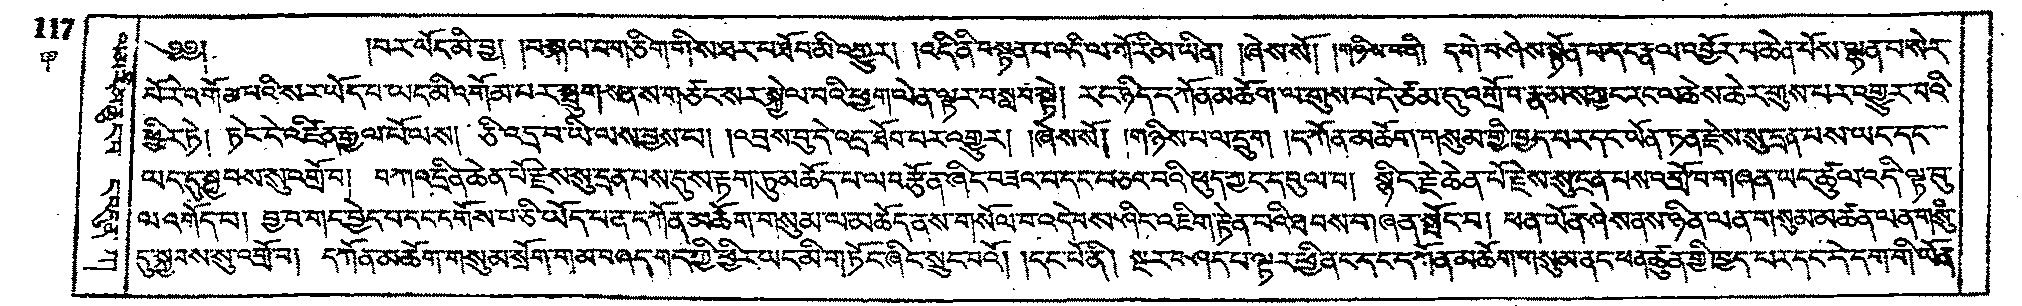༄༅། །པར་ལོང་མི་བྱ། །བསྐལ་བ་གཅིག་གིས་ཐར་པ་ཐོབ་མི་འགྱུར། །འདི་ནི་བསྟན་པ་འདི་ལ་གོ་རིམ་ཡིན། །ཞེས་སོ། །གཉིས་པ་ནི། དགེ་བཤེས་སྟོན་པ་དང་རྣལ་འབྱོར་པ་ཆེན་པོས་ལྷན་པ་སེར་
པོ་རེ་འགོམ་པའི་སར་ཡོད་པ་ཡང་མི་འགོམ་པར་སྤྲུགས་ནས་གཙང་སར་སྐྱེལ་བའི་ཕྱག་ལེན་ལྟར་བསླབ་སྟེ། རང་ཉིད་དཀོན་མཆོག་ལ་གུས་པ་དེ་ཙམ་དུ་འགྲོ་བ་རྣམས་ཀྱང་རང་ལ་ཆེས་ཆེར་གུས་པར་འགྱུར་བའི་
ཕྱིར་ཏེ། ཏིང་ངེ་འཛིན་རྒྱལ་པོ་ལས། ཅི་འདྲ་བ་ཡི་ལས་བྱས་པ། །འབྲས་བུ་དེ་འདྲ་ཐོབ་པར་འགྱུར། །ཞེས་སོ། །གཉིས་པ་ལ་དྲུག །དཀོན་མཆོག་གསུམ་གྱི་ཁྱད་པར་དང་ཡོན་ཏན་རྗེས་སུ་དྲན་པས་ཡང་དང་
ཡང་དུ་སྐྱབས་སུ་འགྲོ་བ། བཀའ་དྲིན་ཆེན་པོ་རྗེས་སུ་དྲན་པས་དུས་རྟག་ཏུ་མཆོད་པ་ལ་བརྩོན་ཞིང་བཟའ་བ་དང་བཅའ་བའི་ཕུད་ཀྱང་དབུལ་བ། སྙིང་རྗེ་ཆེན་པོ་རྗེས་སུ་དྲན་པས་འགྲོ་བ་གཞན་ཡང་ཚུལ་འདི་ལྟ་བུ་
ལ་འགོད་པ། བྱ་བ་གང་བྱེད་པ་དང་དགོས་པ་ཅི་ཡོད་པ་ན་དཀོན་མཆོག་གསུམ་ལ་མཆོད་ནས་གསོལ་བ་འདེབས་ཤིང་འཇིག་རྟེན་པའི་ཐབས་གཞན་སྤོང་བ། ཕན་ཡོན་ཤེས་ནས་ཉིན་ལན་གསུམ་མཚན་ལན་གསུཾ་
དུ་སྐྱབས་སུ་འགྲོ་བ། དཀོན་མཆོག་གསུམ་སྲོག་གམ་བཞད་གད་ཀྱི་ཕྱིར་ཡང་མི་གཏོང་ཞིང་སྲུང་བའོ། །དང་པོ་ནི། སྔར་བཤད་པ་ལྟར་ཕྱི་ནང་དང་དཀོན་མཆོག་གསུམ་ནང་ཕན་ཚུན་གྱི་ཁྱད་པར་དང་དེ་དག་གི་ཡོན་